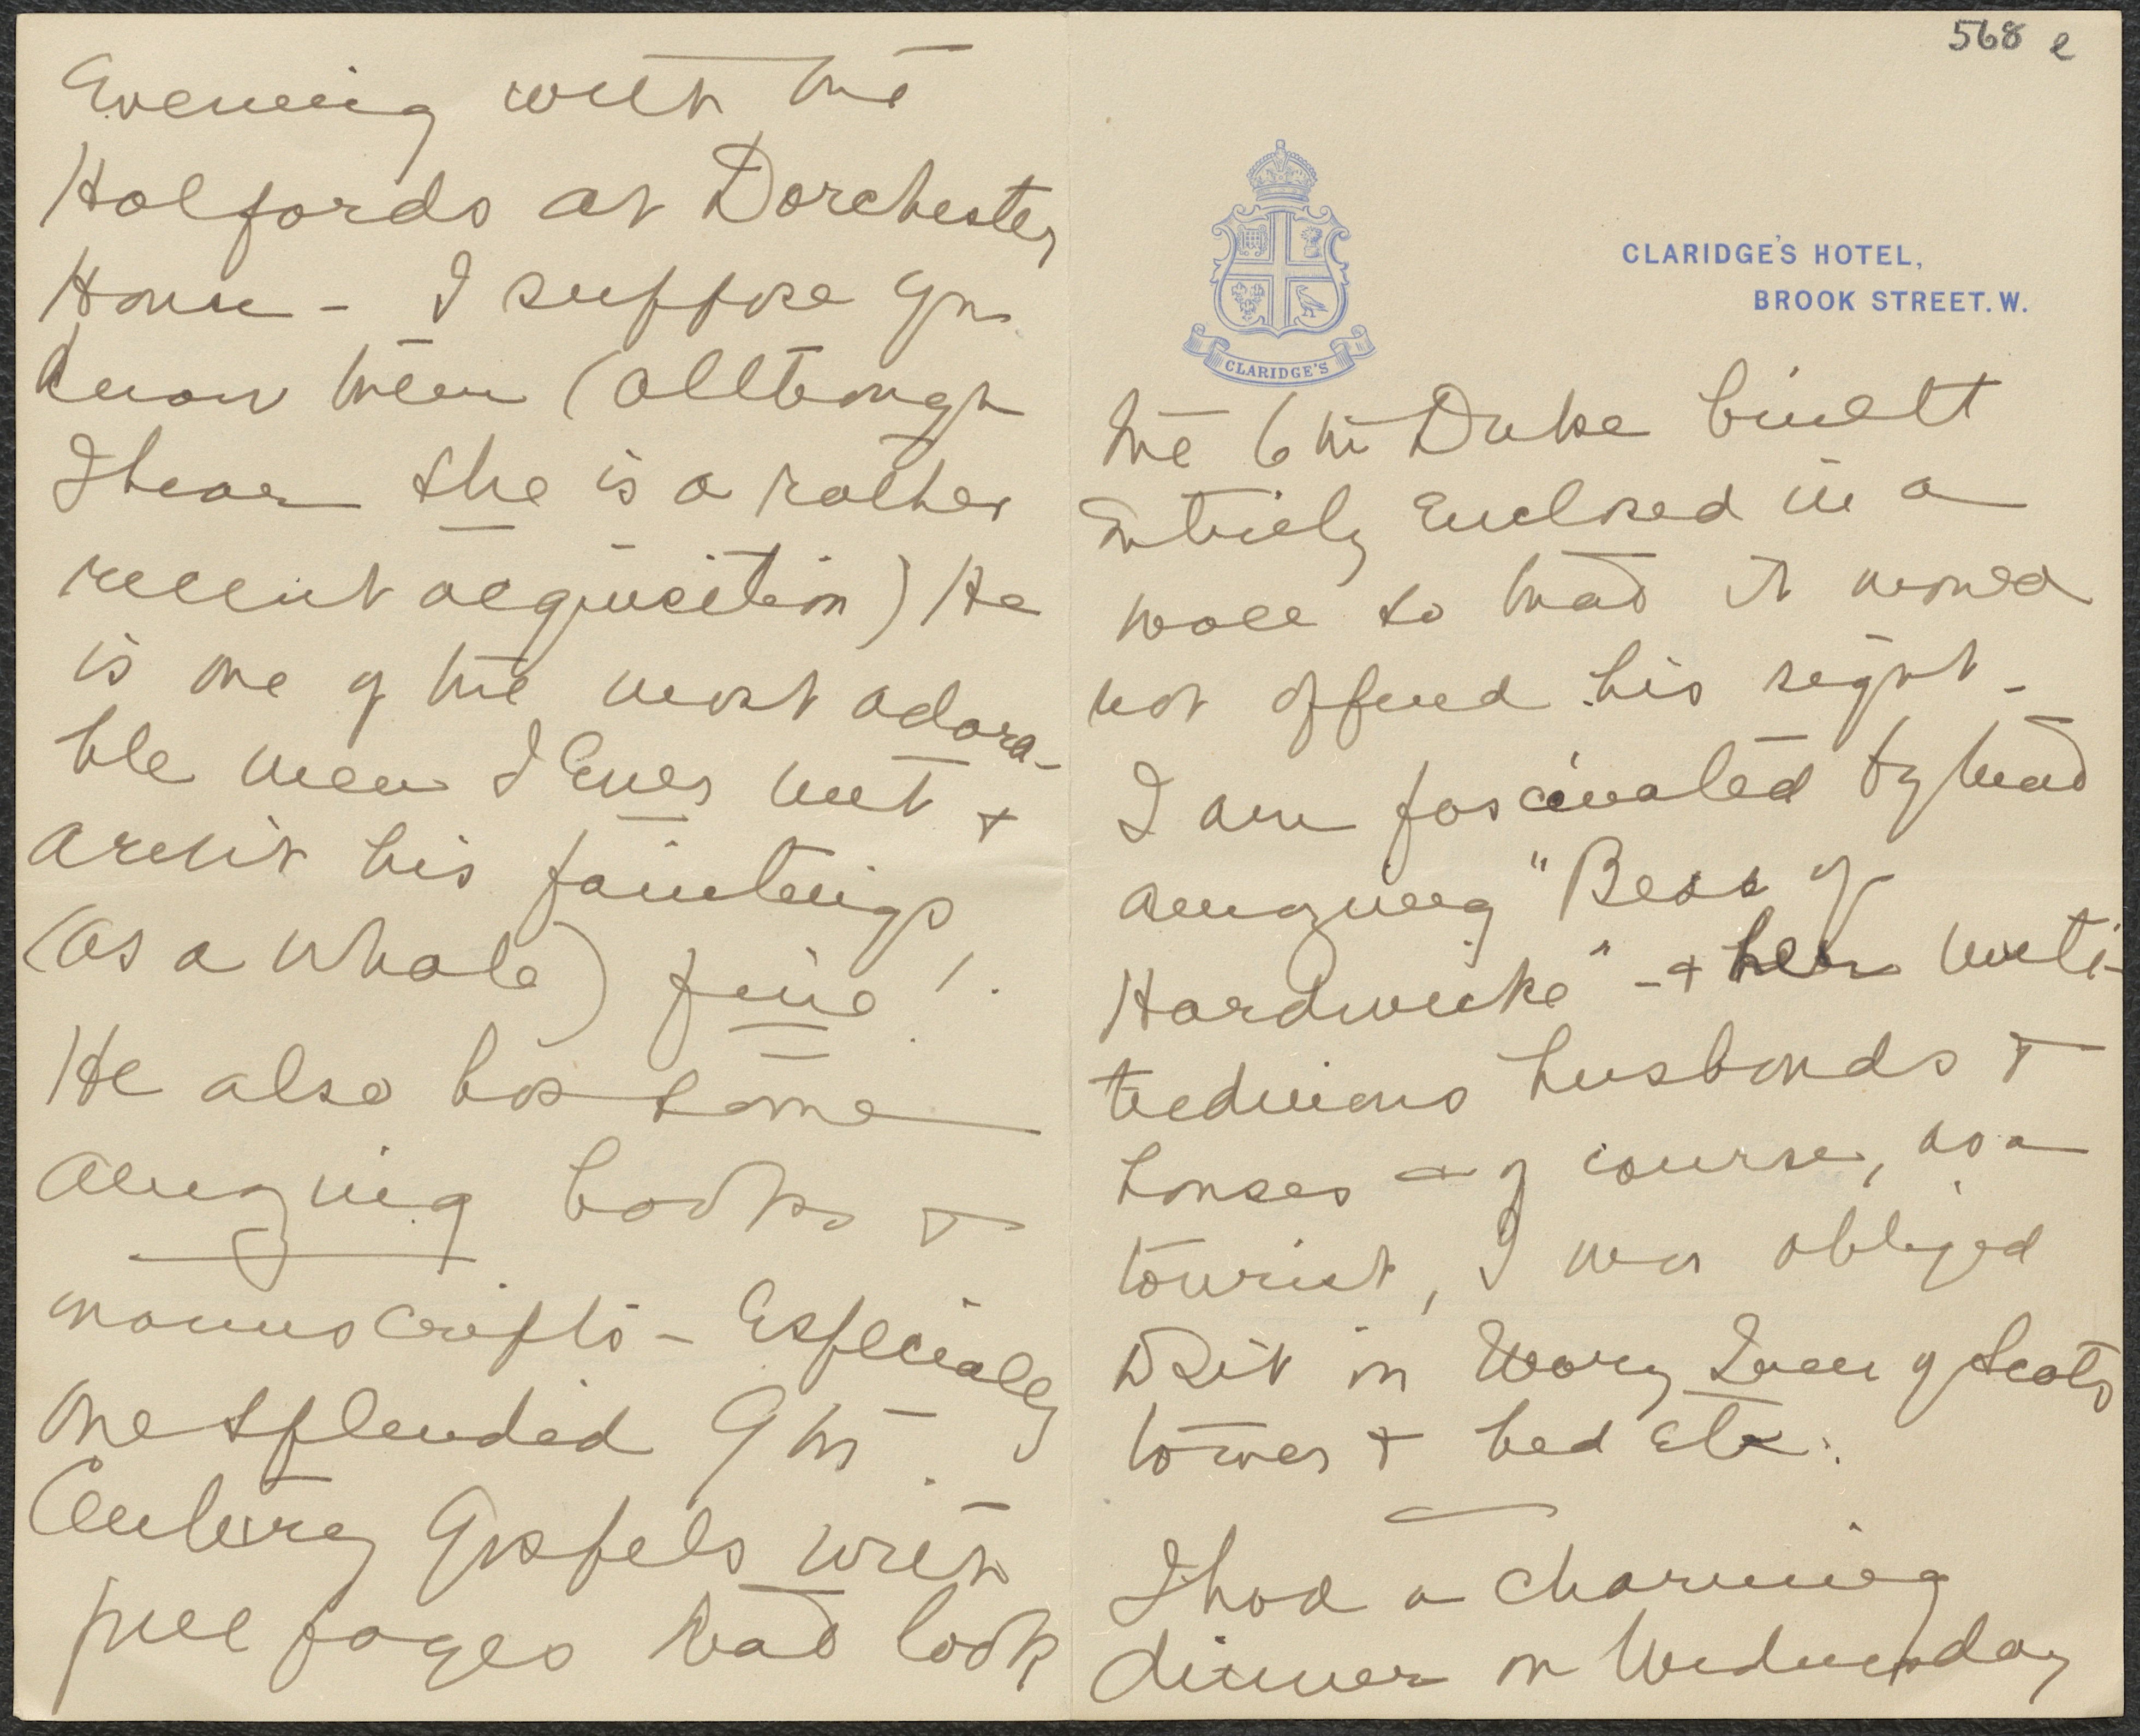the 6th Duke built entirely enclosed in a wall so that it would not offend his sight –
I am fascinated by that amazing “Bess of Hardwicke” – & her multitudinous husbands & houses & of course, as a tourist, I was obliged to sit in Mary Queen of Scots towers & bed etc.
I had a charming dinner on Wednesday
Evening with the Holfords at Dorchester House – I suppose you know them (although I hear she is a rather recent acquisition) He is one of the most adorable men I ever met & aren’t his paintings (as a whole) [double underlined: fine]!
He also has some amazing books & manuscripts – especially one splendid 9th Century Gospels with full pages that look